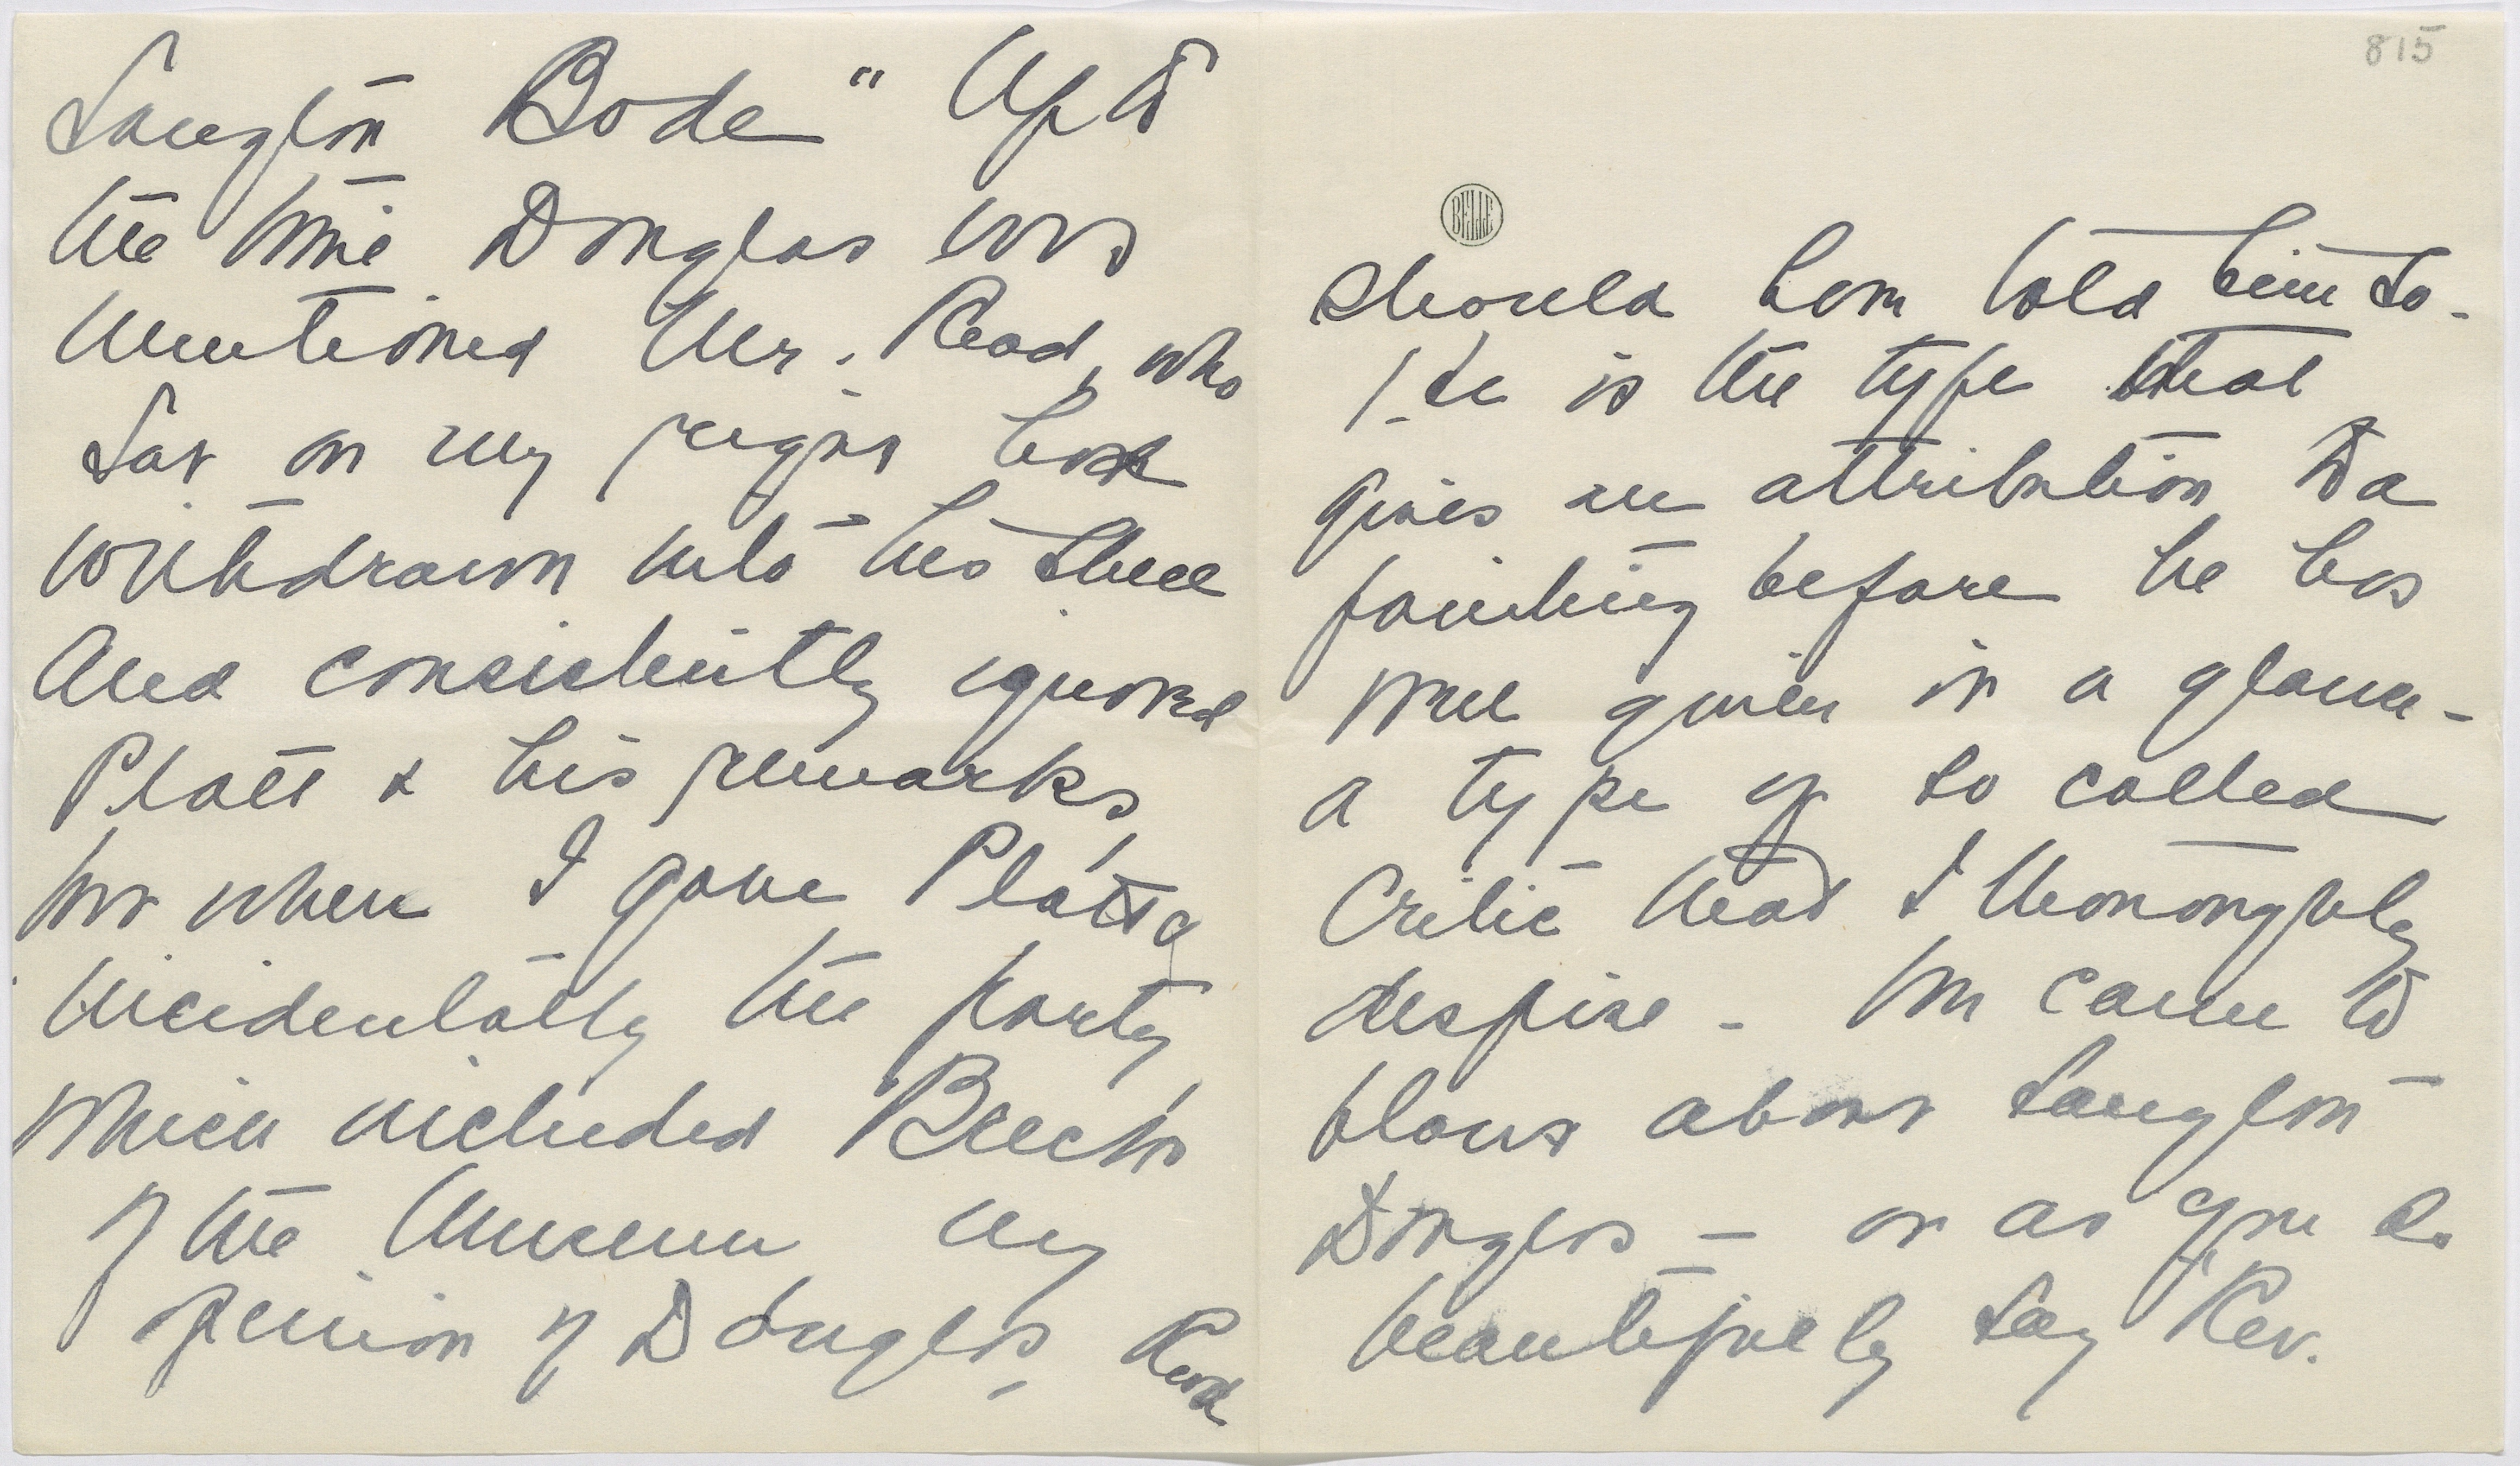should have told him so –
He is the type that gives an attribution to a painting before he has well given it a glance – a type of so called Critic that I thoroughly despise – We came to blows about Langton Douglas – or as you so beautifully say “Rev.
Langton Bode” Up to the time Douglas was mentioned Mr. Read who sat on my right had withdrawn into his shell and consistently ignored Platt & his remarks but when I gave Platt & incidentally the party, which included Breck of the Museum, my opinion of Douglas, Read